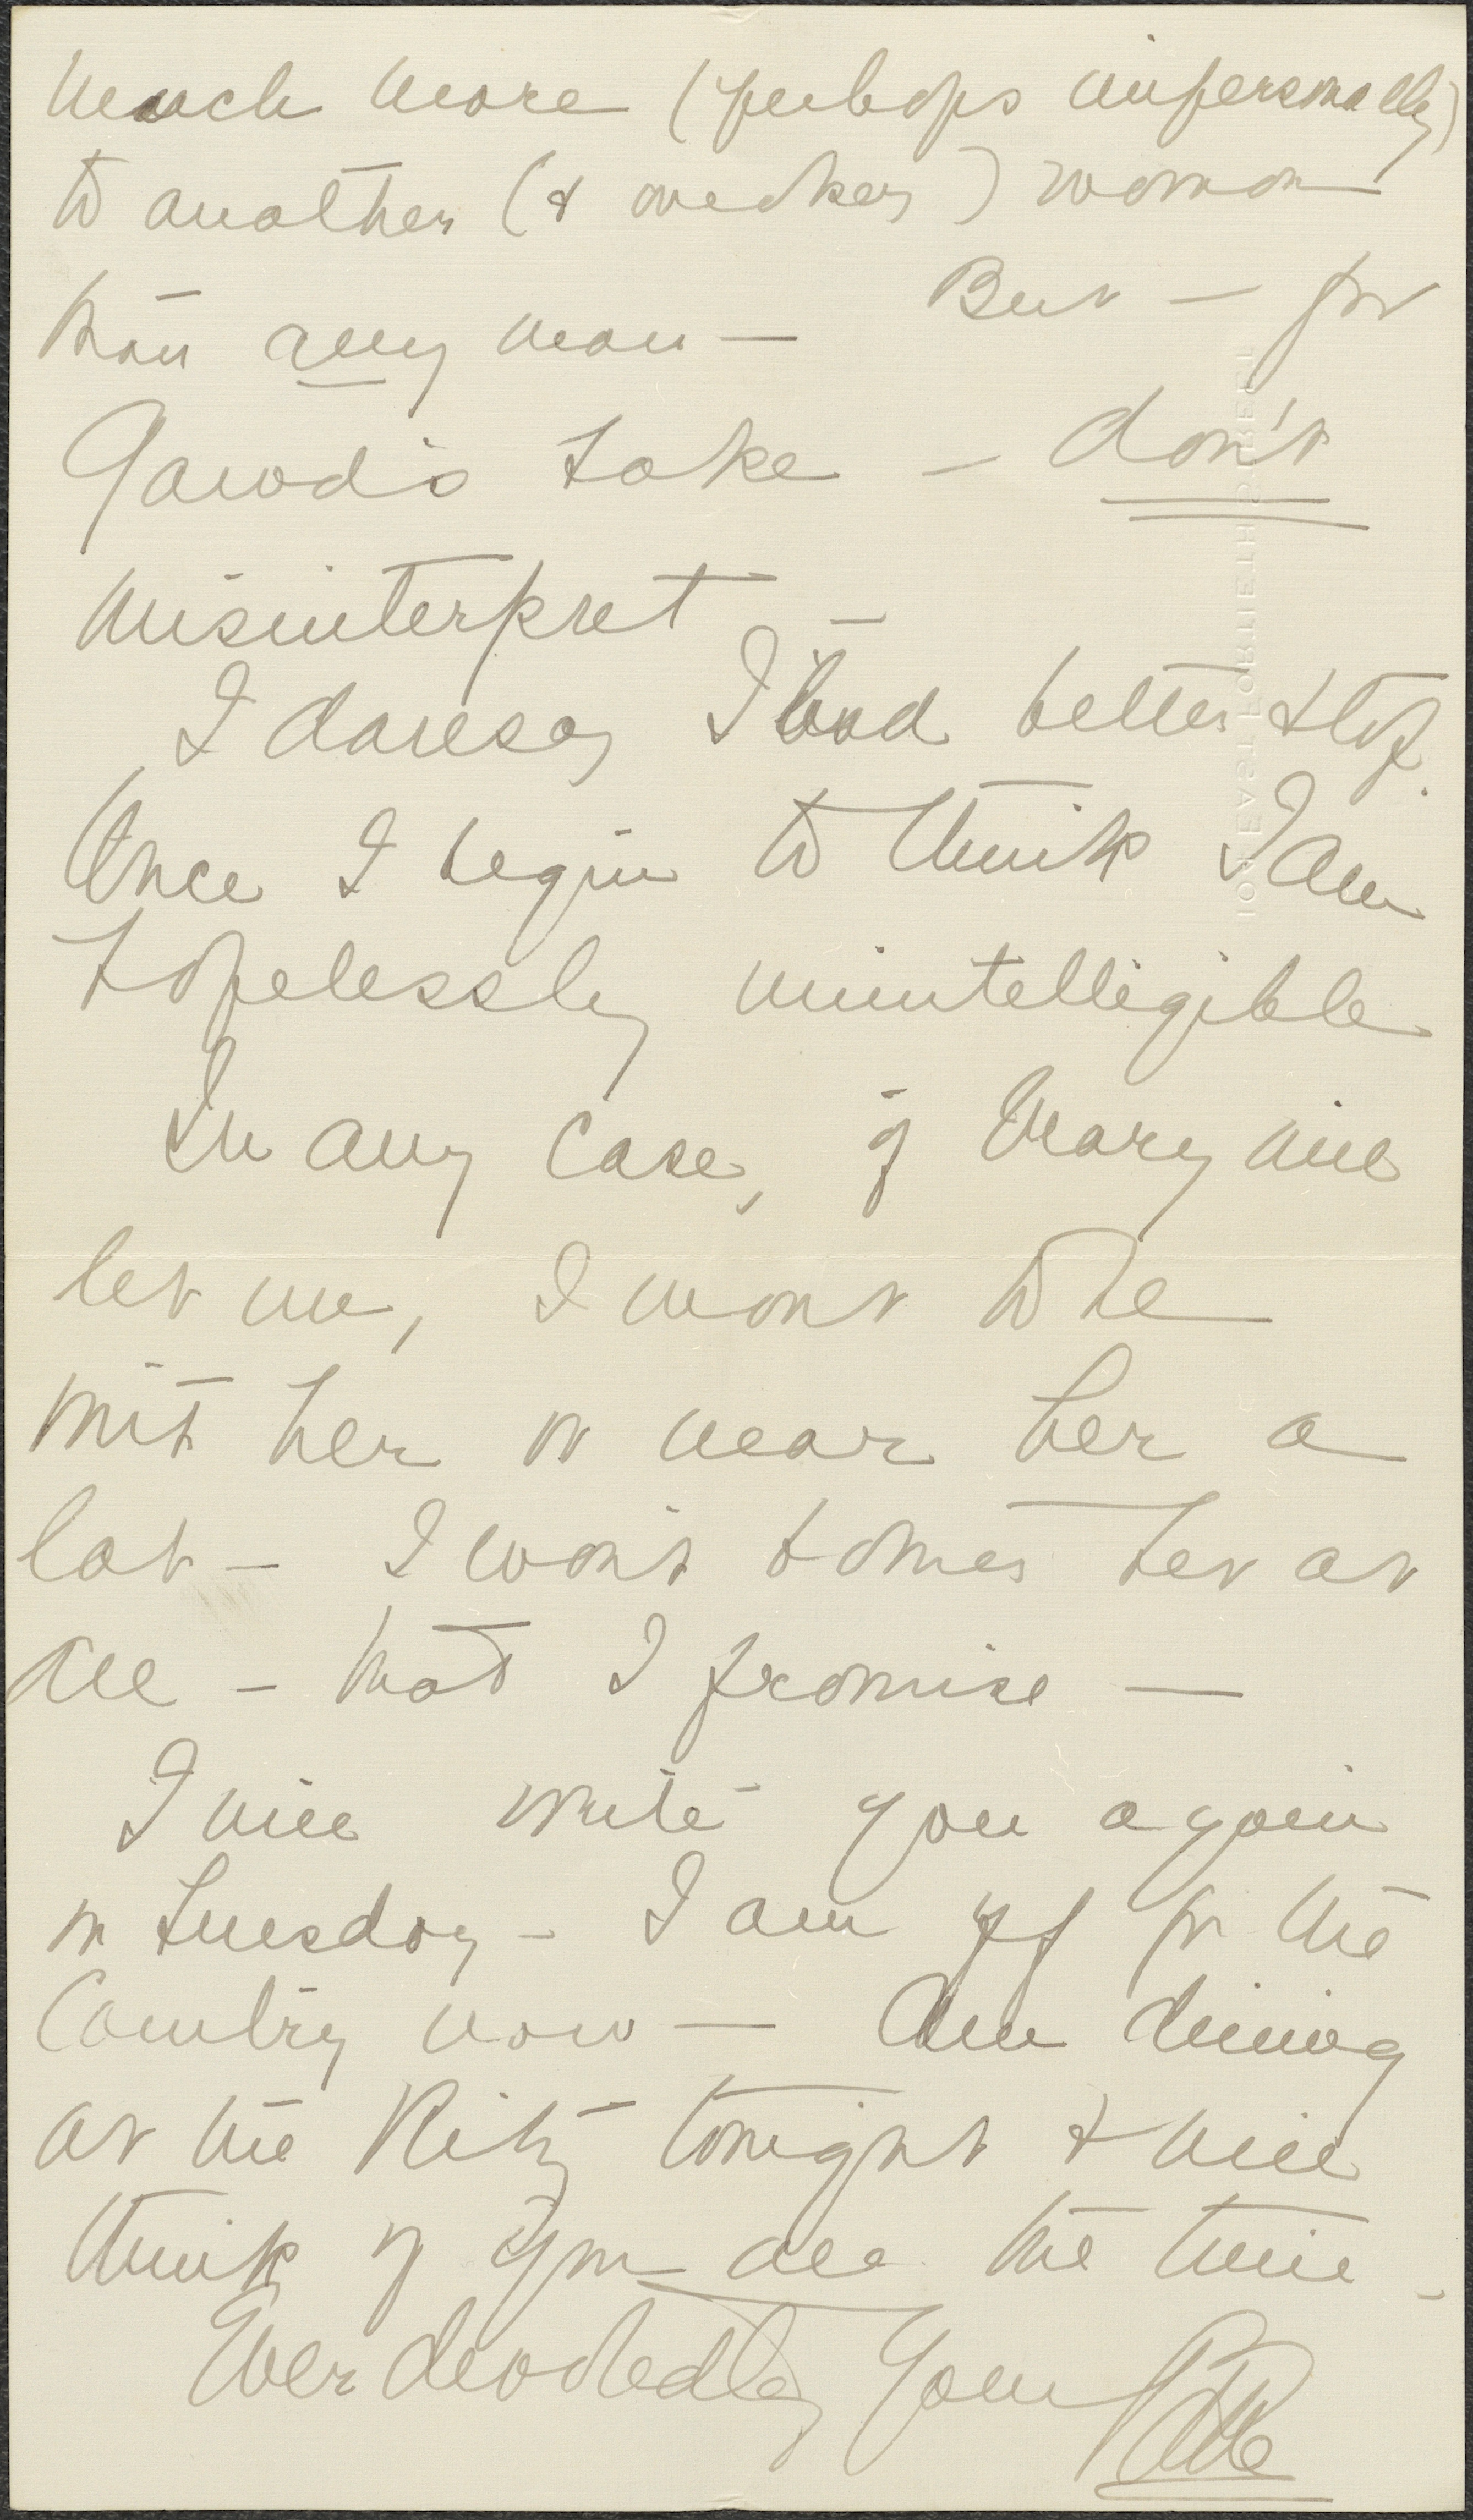much more (perhaps impersonally) to another (& weaker) woman than any man – But – for Gawd’s sake – [double underlined: don’t] misinterpret –
I daresay I had better stop. Once I begin to think I am hopelessly unintelligible
In any case, if Mary will let me, I want to be with her or near her a lot – I won’t bother her at all – that I promise –
I will write you again on Tuesday – I am off for the country now – Am dining at the Ritz tonight & will think of you all the time –
Ever devotedly Your Belle